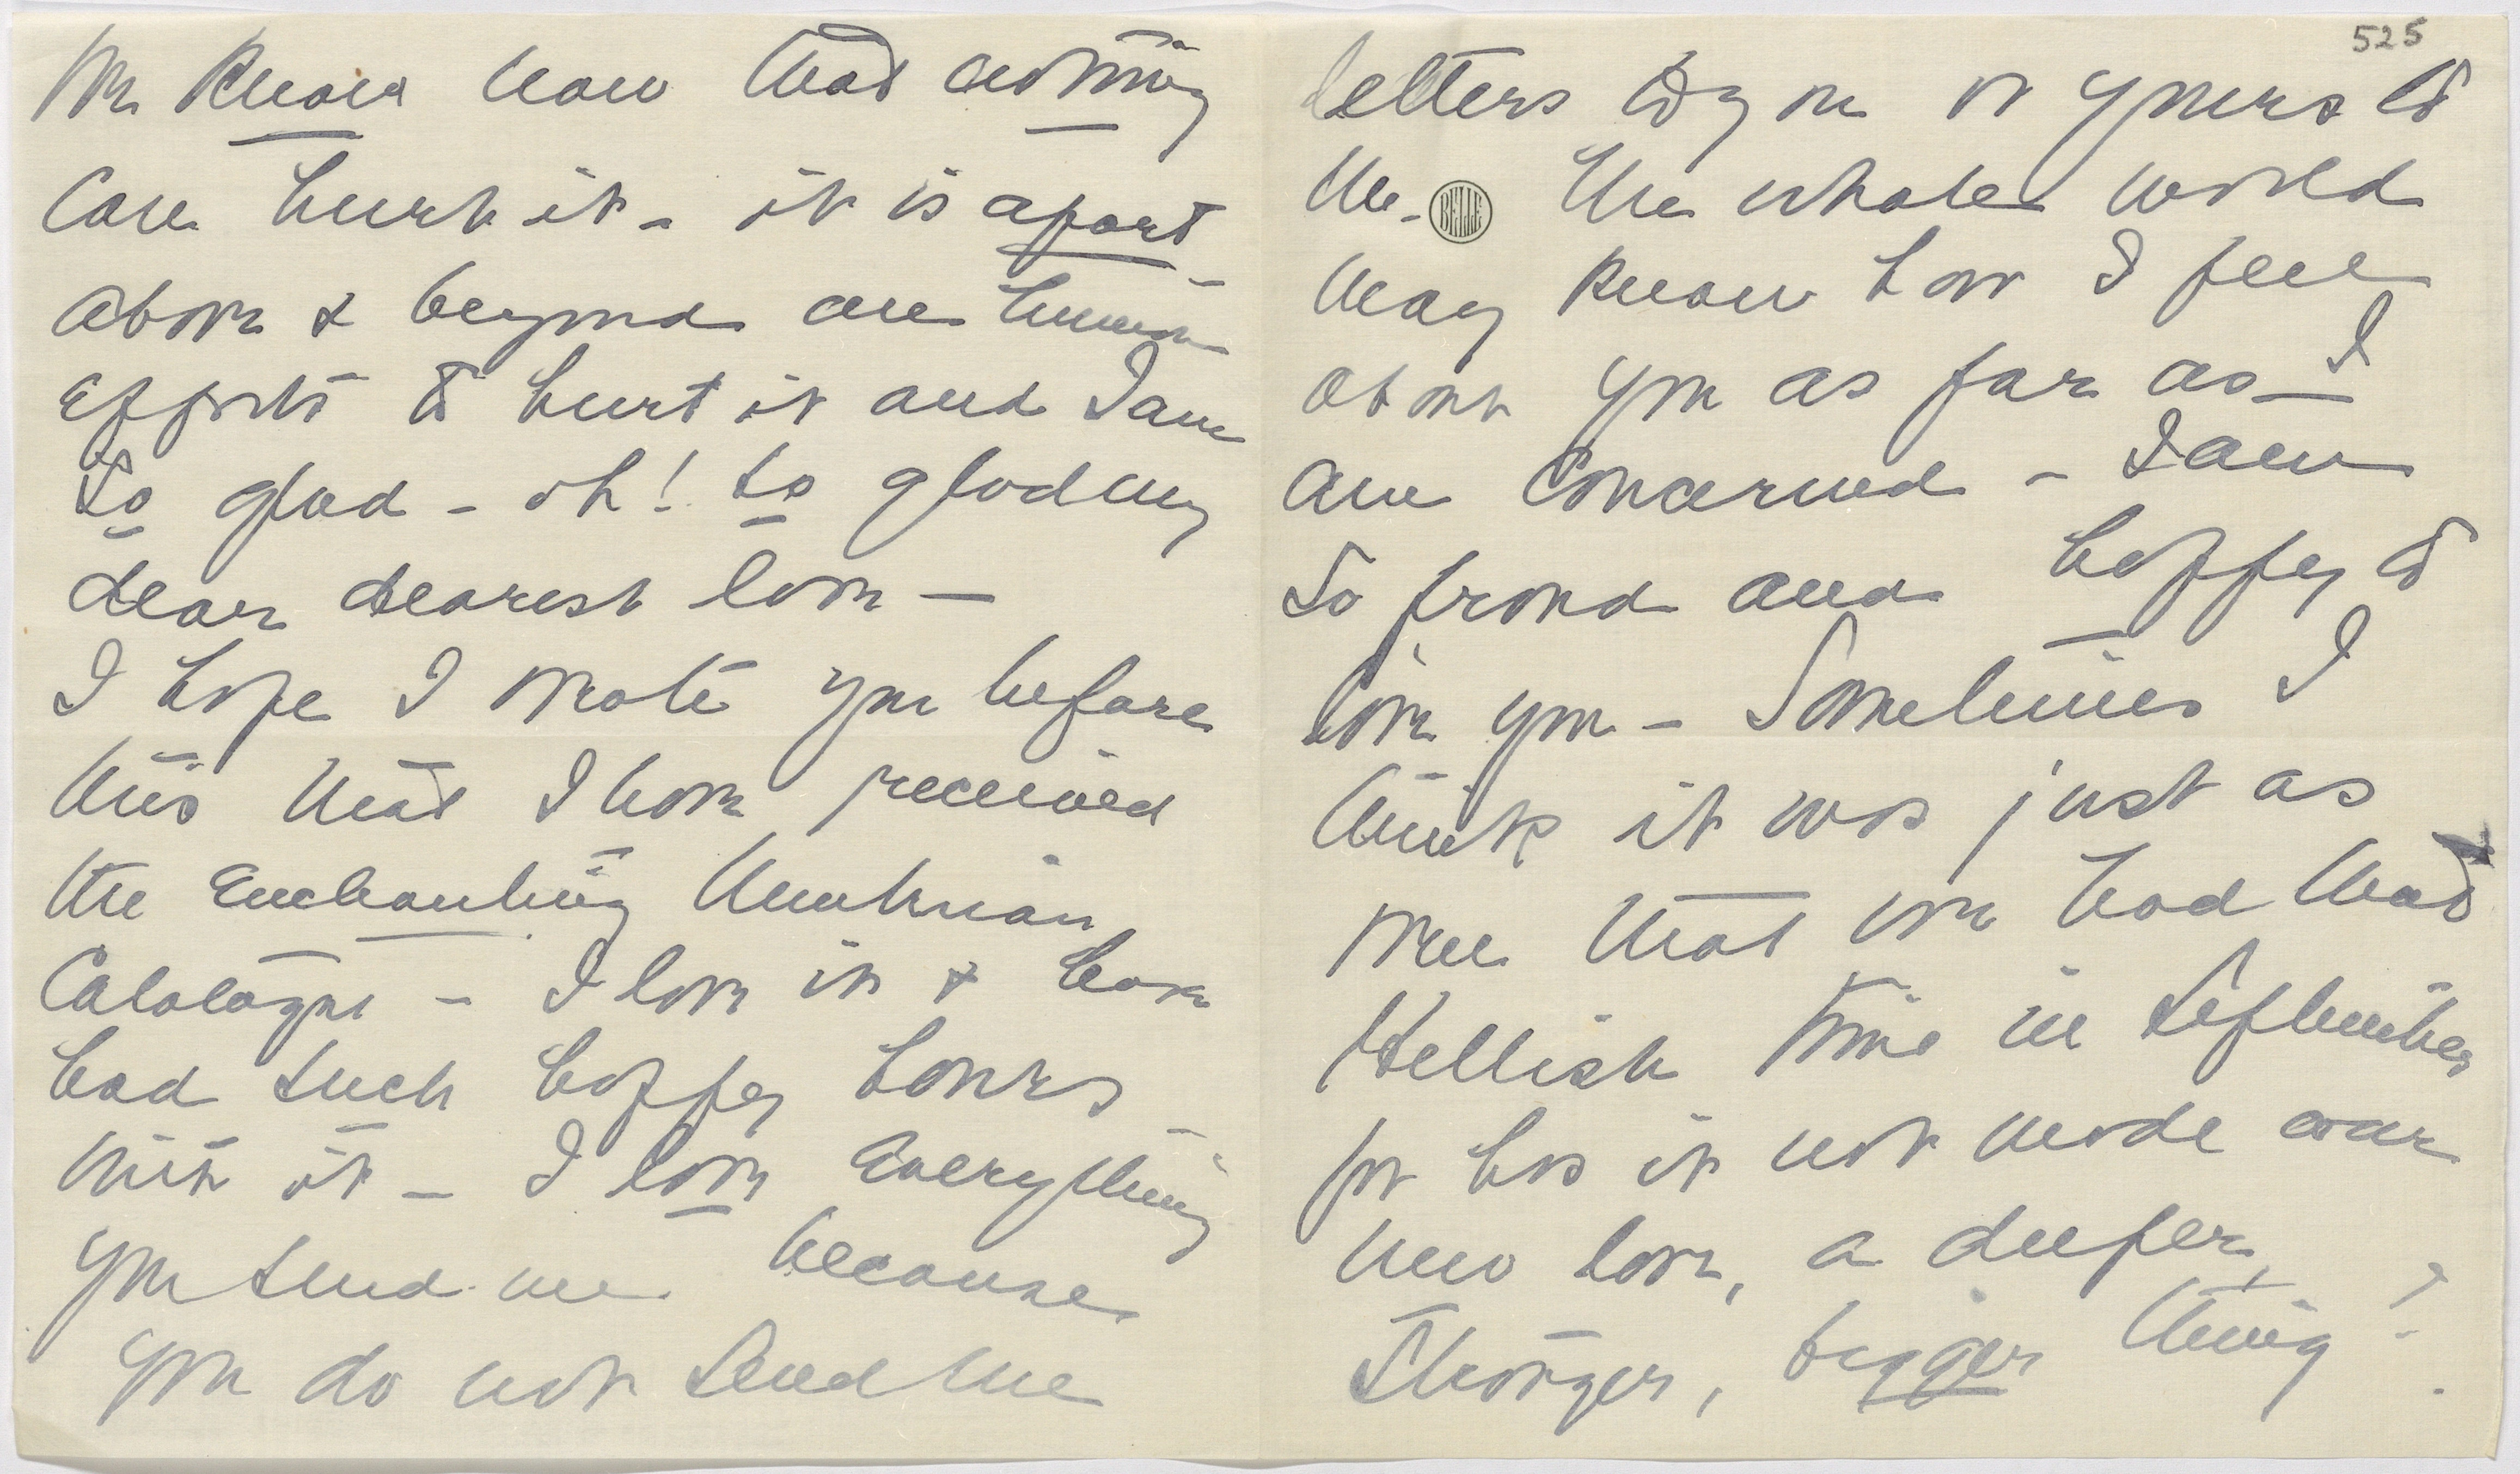letters to you or yours to me – The whole world may know how I feel about you as far as I am concerned – I am so proud and happy to love you – Sometimes I think it was just as well that we had that Hellish time in September for has it not made our new love, a deeper, stronger, bigger thing?
We know now that nothing can hurt it – it is apart above & beyond all human efforts to hurt it and I am so glad – oh! so glad my dear dearest love –
I hope I wrote you before this that I have received the enchanting Umbrian Catalogue – I love it & have had such happy hours with it – I love everything you send me because you do not send me